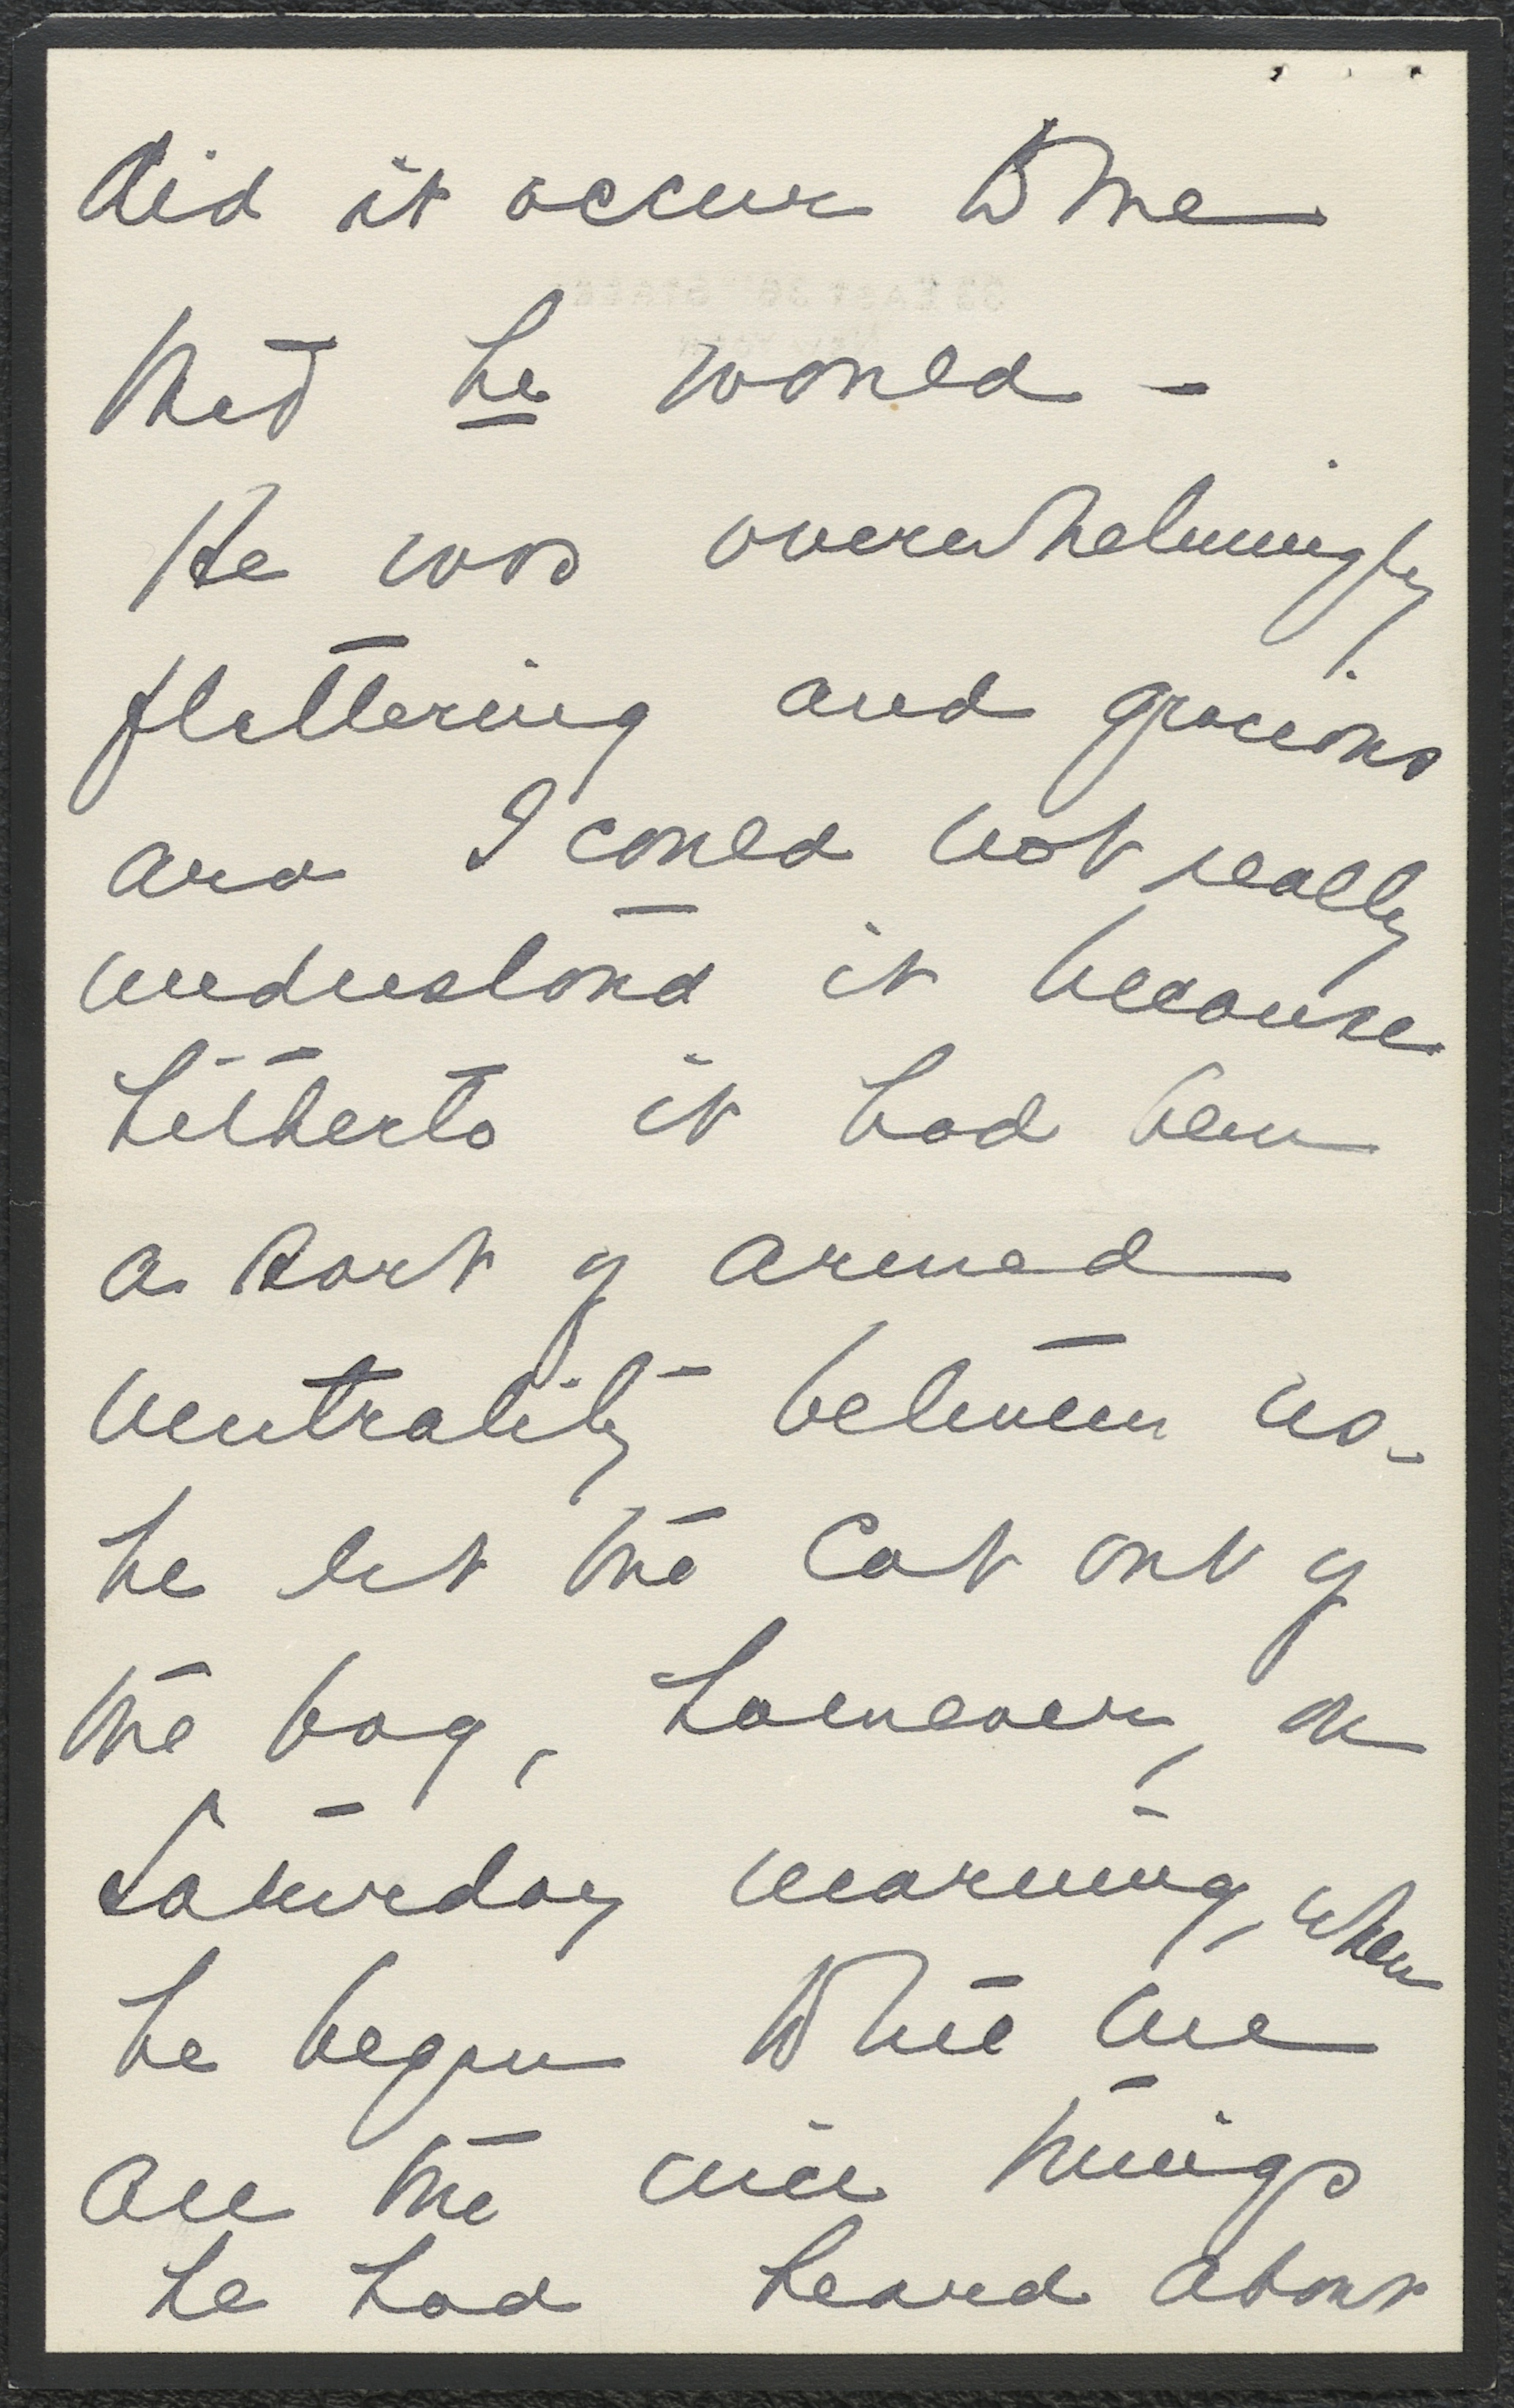did it occur to me that he would –
he was overwhelmingly flattering and gracious and I could not really understand it because hitherto it had been a sort of armed neutrality between us – he let the cat out of the bag, however, on Saturday morning, when he began to tell me all the nice things he had heard about